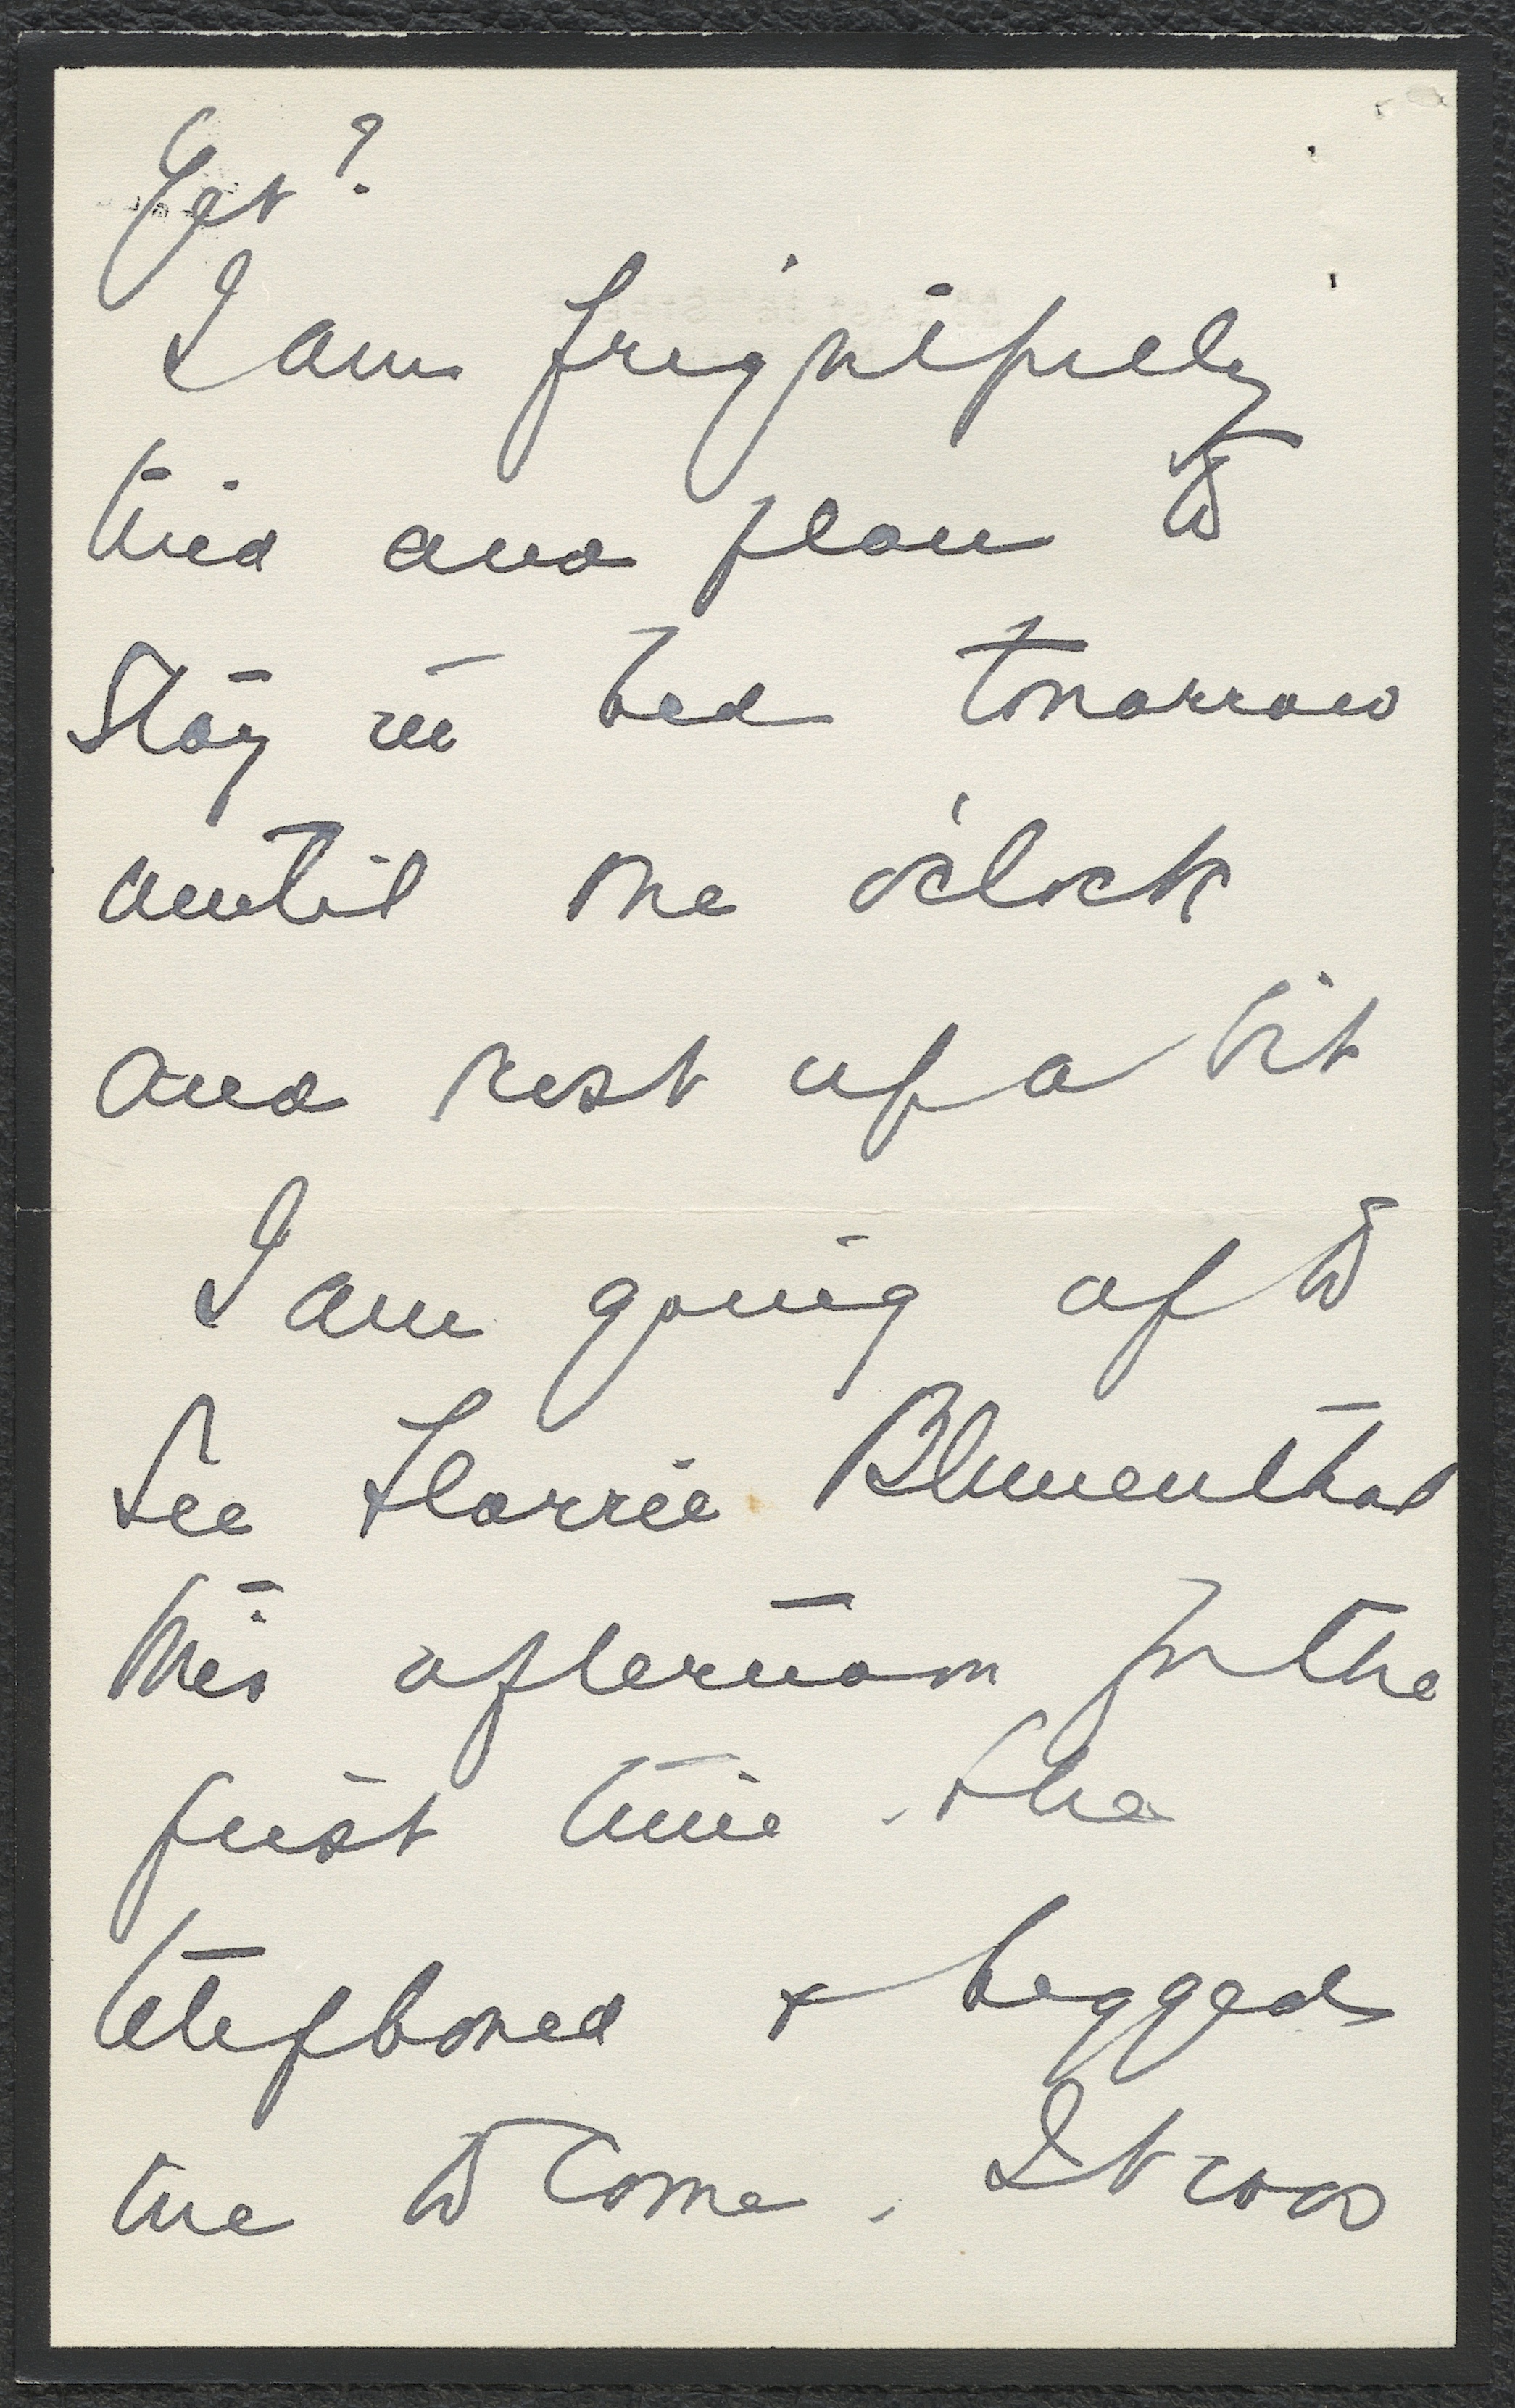yet?
I am frightfully tired and plan to stay in bed tomorrow until one o’clock and rest up a bit
I am going up to see Florrie Bluementhal this afternoon for the first time. She telephoned & begged me to come. It was